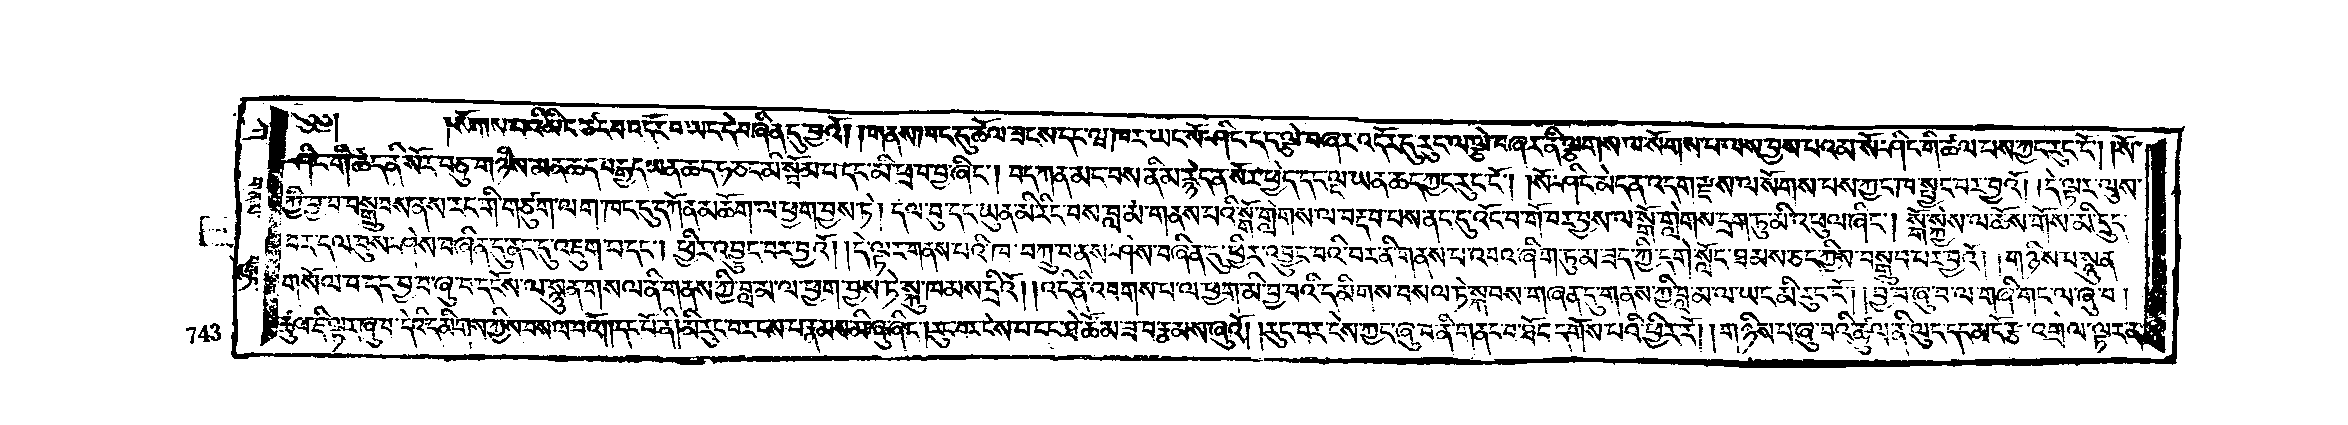༄༅། །སོགས་པའི་མིང་ཙང་བ་འདོར་བ་ཡང་དེ་བཞིན་དུ་བྱའོ། །གནས་ཁང་དུ་ཆོལ་ཟངས་དང་ཝ་ཁར་ཡང་སོ་ཤིང་དང་ལྕེ་བཞར་འདོར་དུ་རུང་ལ་ལྕེ་བཞར་ནི་ལྕགས་ལ་སོགས་པ་ལས་བྱས་པའམ་སོ་ཤིང་གི་ཚལ་པས་ཀྱང་རུང་ངོ། །སོ་
ཤིང་གི་ཚད་ནི་སོར་བཅུ་གཉིས་མན་ཆད་བརྒྱད་ཡན་ཆད་ཧ་ཅང་མི་སྦོམ་པ་དང་མི་ཕྲ་བ་བྱ་ཞིང་། བད་ཀན་མང་བས་ནི་མ་རྙེད་ན་སོར་ཕྱེད་དང་ལྔ་ཡན་ཆད་ཀྱང་རུང་ངོ། །སོ་ཤིང་མེད་ན་འདག་རྫས་ལ་སོགས་པས་ཀྱང་ཁ་སྤྱང་པར་བྱའོ། །དེ་ལྟར་ལུས་
ཀྱི་བྱ་བ་བསྒྲུབས་ནས་རང་གི་གཙུག་ལག་ཁང་དུ་དཀོན་མཆོག་ལ་ཕྱག་བྱས་ཏེ། དེ་ལ་བུ་དང་ཡུན་མི་རིང་བས་བླ་མ་གནས་པའི་སྒོ་གླེགས་ལ་བརྡབ་པས་ནང་དུ་འོང་བ་གོ་བར་བྱས་ལ་སྒོ་གླེགས་དྲག་ཏུ་མི་འཕུལ་ཞིང་། སྒོ་སྐྱེས་ལ་ཆོས་གོས་མི་དྲུད་
བར་དལ་བུས་ཤེས་བཞིན་དུ་ནང་དུ་འཇུག་པ་དང་། ཕྱིར་འབྱུང་བར་བྱའོ། །དེ་ལྟར་གནས་པའི་ཁ་བཀྲུ་བ་ནས་ཤེས་བཞིན་དུ་ཕྱིར་འབྱུང་བའི་བར་ནི་གནས་པ་འབའ་ཞིག་ཏུ་མ་ཟད་ཀྱི་དགེ་སློང་ཐམས་ཅད་ཀྱིས་བསྒྲུབ་པར་བྱའོ། །གཉིས་པ་སྙུན་
གསོལ་བ་དང་བྱ་བ་ཞུ་བ་དངོས་ལ་སྙུན་གསལ་ནི་གནས་ཀྱི་བླ་མ་ལ་ཕྱག་བྱས་ཏེ་སྐུ་ཁམས་དྲིའོ། །འདི་ནི་འབགས་པ་ལ་ཕྱག་མི་བྱ་བའི་དམིགས་བསལ་ཏེ་སྐབས་གཞན་དུ་གནས་ཀྱི་བླ་མ་ལ་ཡང་མི་རུང་ངོ། །བྱ་བ་ཞུ་བ་ལ་གཞི་གང་ལ་ཞུ་བ།
ཚུལ་ཇི་ལྟར་ཞུ་བ་དེའི་དམིགས་ཀྱིས་བསལ་བའོ། །དང་པོ་ནི། མི་རུང་བར་ངས་པ་རྣམས་མི་ཞུ་ཞིང་། རུང་བར་ངེས་པ་དང་ཐེ་ཚོམ་ཟ་བ་རྣམས་ཞུའོ། །རུང་བར་ངེས་ཀྱང་ཞུ་བ་ནི་གནང་བ་ཐོང་དགོས་པའི་ཕྱིར་རོ། །གཉིས་པ་ཞུ་བའི་ཚུལ་ནི་ལུང་དང་མདོ་རྩ་འགྲེལ་ལྟར་ན་